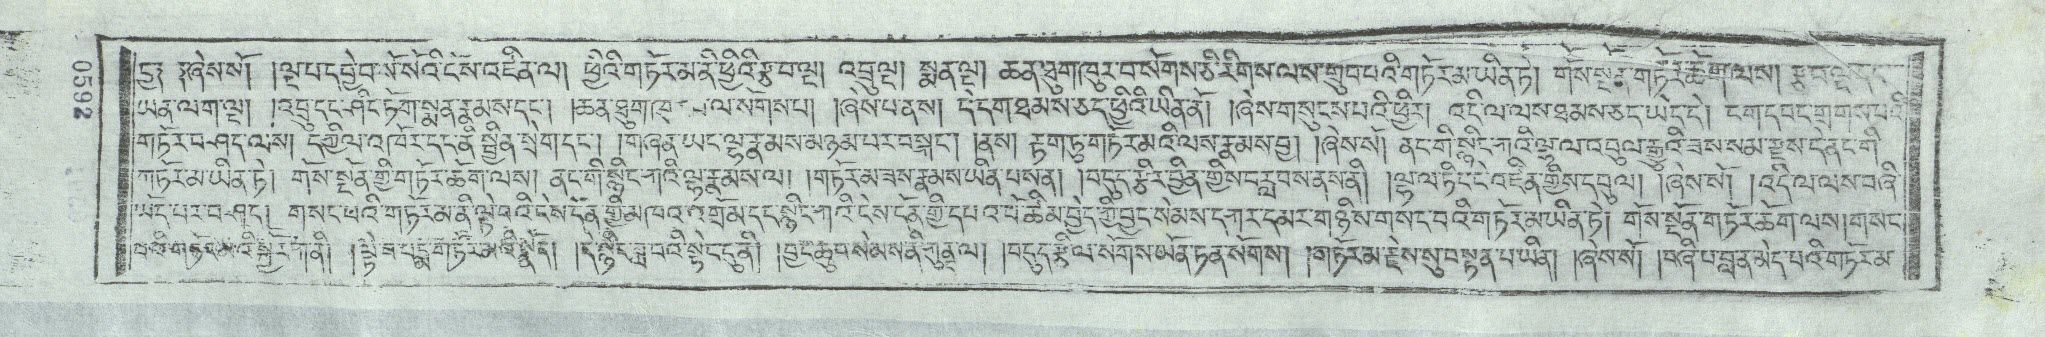བྱ༑ ༑ཞེས་སོ། །ལྔ་པ་དབྱེ་བ་སོ་སོའི་ངོས་འཛིན་ལ། ཕྱིའི་གཏོར་མ་ནི་ཕྱིའི་རྩ་བ་ལྔ། འབྲུ་ལྔ། སྨན་ལྔ། ཆན་ཐུག་ཁུར་བ་སོགས་ཅི་རིགས་ལས་གྲུབ་པའི་གཏོར་མ་ཡིན་ཏེ། གོས་སྔོན་གཏོར་ཆོག་ལས། རྩ་བ་ལྔ་དང་
ཡན་ལག་ལྔ། །འབྲུ་དང་ཤིང་ཏོག་སྨན་རྣམས་དང་། །ཆན་ཐུག་ཁུར་བ་ལ་སོགས་པ། །ཞེས་པ་ནས། དེ་དག་ཐམས་ཅད་ཕྱིའི་ཡིན་ནོ། །ཞེས་གསུངས་པའི་ཕྱིར། འདི་ལ་ལས་ཐམས་ཅད་ཡོད་དེ། ངག་དབང་གྲགས་པའི་
གཏོར་བཤད་ལས། དཀྱིལ་འཁོར་དང་ནི་སྦྱིན་སྲེག་དང་། །གཞན་ཡང་ལྷ་རྣམས་མཉམ་པར་བསྐང་། །ནས། རྟག་ཏུ་གཏོར་མའི་ལས་རྣམས་བྱ། །ཞེས་སོ། ནང་གི་སྙིང་ཀའི་ལྷ་ལ་འབུལ་རྒྱུའི་ཟས་སམ་རྫས་དེ་ནང་གི་
གཏོར་མ་ཡིན་ཏེ། གོས་སྔོན་གྱི་གཏོར་ཆོག་ལས། ནང་གི་སྙིང་ཀའི་ལྷ་རྣམས་ལ། །གཏོར་མ་ཟས་རྣམས་ཡིན་པས་ན། །བདུད་རྩིར་བྱིན་གྱིས་བརླབས་ནས་ནི། །ལྷ་ལ་ཏིང་ངེ་འཛིན་གྱིས་དབུལ། །ཞེས་སོ། །འདི་ལ་ལས་བཞི་
ཡོད་པར་བཤད། གསང་ཕའི་གཏོར་མ་ནི་ལྟེ་བའི་ངེས་དོན་གྱི་མཁའ་འགྲོམ་དང་སྙིང་ཀའི་ངེས་དོན་གྱི་དཔའ་པོ་ཚིམ་བྱེད་ཀྱི་བྱང་སེམས་དཀར་དམར་གཉིས་གསང་བའི་གཏོར་མ་ཡིན་ཏེ། གོས་སྔོན་གཏོར་ཆོག་ལས། གསང་
པའི་གཏོར་མའི་སྐྱོར་ཀ་ནི། །ལྟེ་བ་པདམ་གཏོར་མའི་སྣོད། །དེ་སྙིང་ཟླ་བའི་སྟེང་དུ་ནི། །བྱང་ཆུབ་སེམས་ནི་ཀུནྡ་ལ། །བདུད་རྩི་ལ་སོགས་ཡོན་ཏན་སོགས། །གཏོར་མ་རྗེས་སུ་བསྟན་པ་ཡིན། །ཞེས་སོ། །བཞི་པ་བླ་ན་མེད་པའི་གཏོར་མ་